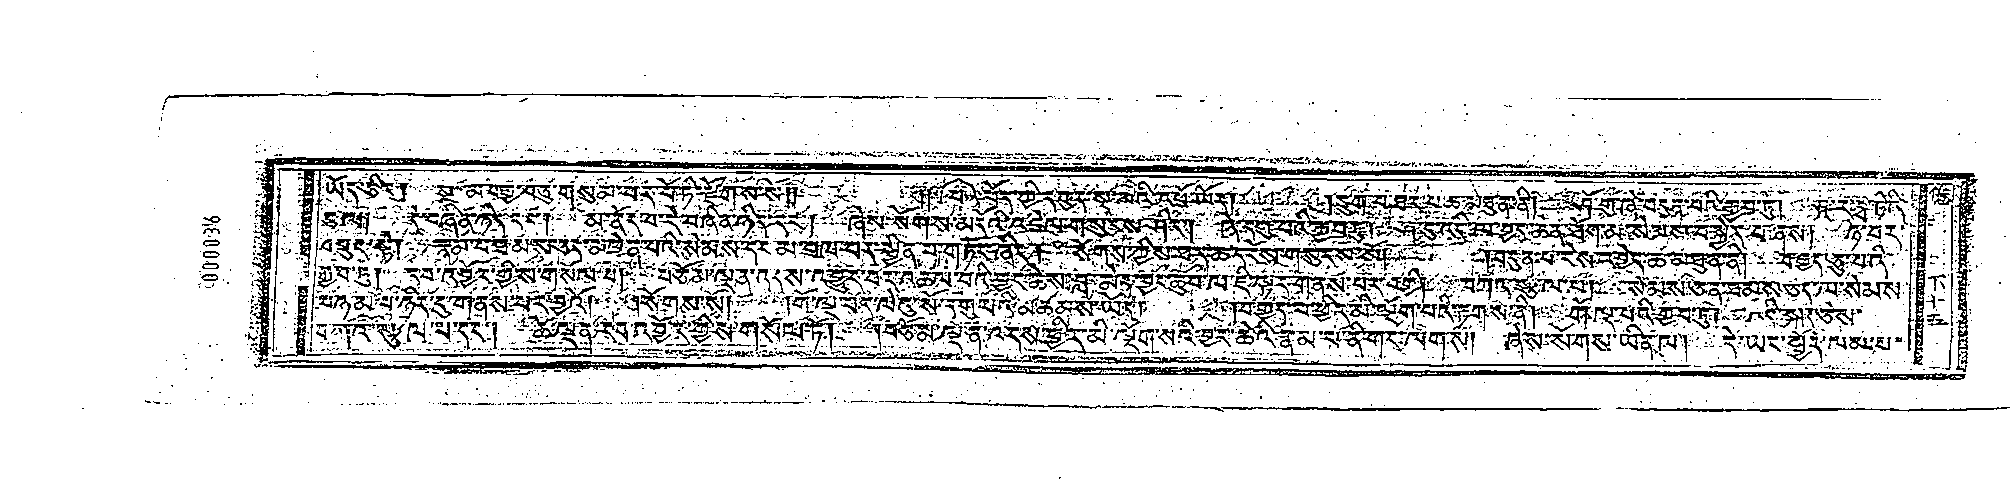ཡོད་ཅིང་། སྔ་མ་བརྒྱ་བཅུ་གསུམ་པར་པོ་ཏི་རྫོགས་སོ།། །།པ྄་བོད་ཀྱི་དབུར་སྔ་མའི་འཕྲོ་ཡོད། །དྲུག་པ་ཐར་པ་ཆ་མཐུན་ནི། ཤོ་གུ་ཞེ་བདུན་པའི་རྒྱབ་ཏུ། ཤཱ་ར་དྭ་ཏིའི་
བུ་ལ། དེ་བཞིན་ཉིད་དང་། མ་ནོར་བ་དེ་བཞིན་ཉིད་དང་། ཞེས་སོགས་མདོའི་འབྲེལ་གསུངས་ཤིང་། ཞེ་དགུ་པའི་རྒྱབ་ཏུ། ཤ་བུ་འདི་ལ་བྱང་ཆེན་ཐོག་མ་སེམས་བསྐྱེད་པ་ནས། ཉེ་བར་
བཟུང་སྟེ། རྣམ་པ་ཐམས་ཅད་མཁྱེན་པའི་སེམས་དང་མ་བྲལ་བར་སྦྱིན་པ་གཏོང་ཞིང་། སོགས་ཀྱིས་ཐར་ཆ་དངོས་གསུངས་སོ། །བདུན་པ་ངེས་འབྱེད་ཆ་མཐུན་ནི། བརྒྱད་ཅུ་པའི་
རྒྱབ་ཏུ། རབ་འབྱོར་གྱིས་གསོལ་པ། བཅོམ་ལྡན་འདས་འབྱུང་བར་འཆལ་བའི་བྱང་ཆེས་བླ་མེད་བྱང་ཆུབ་ལ་ཇི་ལྟར་གནས་པར་བགྱི། བཀའ་སྩལ་པ། སེམས་ཅན་ཐམས་ཅད་ལ་སེམས་
མཉམ་པ་ཉིད་དུ་གནས་པར་བྱའོ། །སོགས་སོ། །གོ་ལྔ་པར་ལེའུ་སོ་དགུ་པའི་མཚམས་ཡོད། །བརྒྱད་པ་ཕྱིར་མི་ལྡོག་པའི་རྟགས་ནི། གོ་ལྔ་པའི་རྒྱབ་ཏུ། འདི་སྐད་ཅེས་
བཀའ་སྩལ་པ་དང་། ཚེ་ལྡན་རབ་འབྱོར་གྱིས་གསོལ་ཏོ། །བཅོམ་ལྡན་འདས་ཕྱིར་མི་ལྡོག་སའི་བྱང་ཆེའི་རྣམ་པ་ནི་གང་ལགས། ཞེས་སོགས་ཡིན་ལ། དེ་ཡང་སྦྱོར་ལམ་པ་